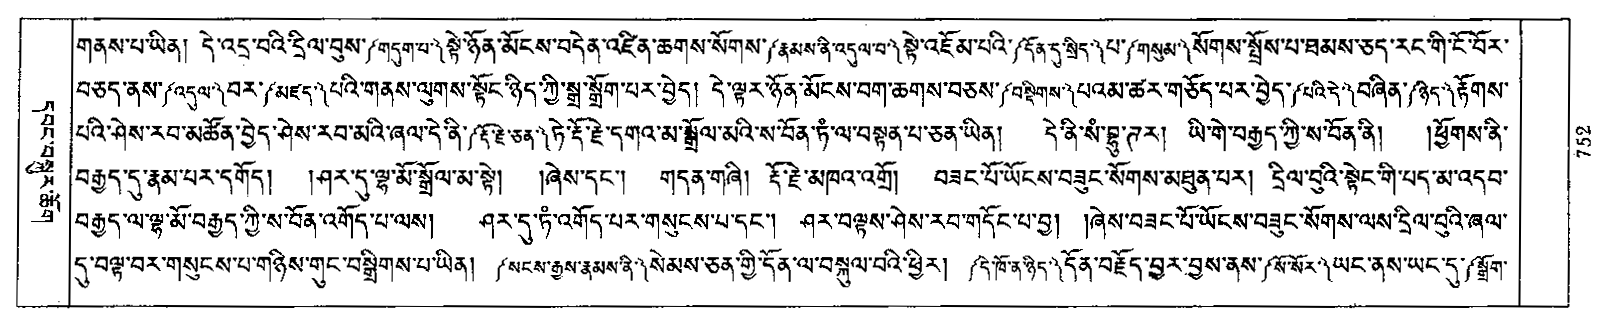གནས་པ་ཡིན། དེ་འདྲ་བའི་དྲིལ་བུས ༼གདུག་པ྄་སྟེ་ཉོན་མོངས་བདེན་འཛིན་ཆགས་སོགས་༽རྣམས་ནི་འདུལ་བ྄་སྟེ་འཇོམ་པའི ༼དོན་དུ་སྲིད྄་པ་༽གསུམ྄་སོགས་སྤྲོས་པ་ཐམས་ཅད་རང་གི་ངོ་བོར་
བཅད་ནས ༼འདུལ྄་བར་༽མཛད྄་པའི་གནས་ལུགས་སྟོང་ཉིད་ཀྱི་སྒྲ་སྒྲོག་པར་བྱེད། དེ་ལྟར་ཉོན་མོངས་བག་ཆགས་བཅས ༼བསྡིགས྄་པའམ་ཚར་གཅོད་པར་བྱེད་༽པའི་ད྄ེ་བཞིན་ཉིད྄་རྟོགས་
པའི་ཤེས་རབ་མཚོན་བྱེད་ཤེས་རབ་མའི་ཞལ་དེ་ནི་རྡོ་རྗེ་ཅན྄་ཏེ་རྡོ་རྗེ་དགའ་མ་སྒྲོལ་མའི་ས་བོན་ཏཾ་ལ་བསྟན་པ་ཅན་ཡིན། དེ་ནི་སཾ་བྷུ་ཊར། ཡི་གེ་བརྒྱད་ཀྱི་ས་བོན་ནི། །ཕྱོགས་ནི་
བརྒྱད་དུ་རྣམ་པར་དགོད། །ཤར་དུ་ལྷ་མོ་སྒྲོལ་མ་སྟེ། །ཞེས་དང་། གདན་གཞི། རྡོ་རྗེ་མཁའ་འགྲོ། བཟང་པོ་ཡོངས་བཟུང་སོགས་མཐུན་པར། དྲིལ་བུའི་སྟེང་གི་པད་མ་འདབ་
བརྒྱད་ལ་ལྷ་མོ་བརྒྱད་ཀྱི་ས་བོན་འགོད་པ་ལས། ཤར་དུ་ཏཾ་འགོད་པར་གསུངས་པ་དང་། ཤར་བལྟས་ཤེས་རབ་གདོང་པ་བྱ། །ཞེས་བཟང་པོ་ཡོངས་བཟུང་སོགས་ལས་དྲིལ་བུའི་ཞལ་
དུ་བལྟ་བར་གསུངས་པ་གཉིས་གུང་བསྒྲིགས་པ་ཡིན། ༼སངས་རྒྱས་རྣམས་ན྄ི་སེམས་ཅན་གྱི་དོན་ལ་བསྐུལ་བའི་ཕྱིར། ༽དེ་ཁོ་ན་ཉིད྄་དོན་བརྗོད་བྱར་བྱས་ནས ༼སོ་སོར྄་ཡང་ནས་ཡང་དུ་༽སྒྲོག་